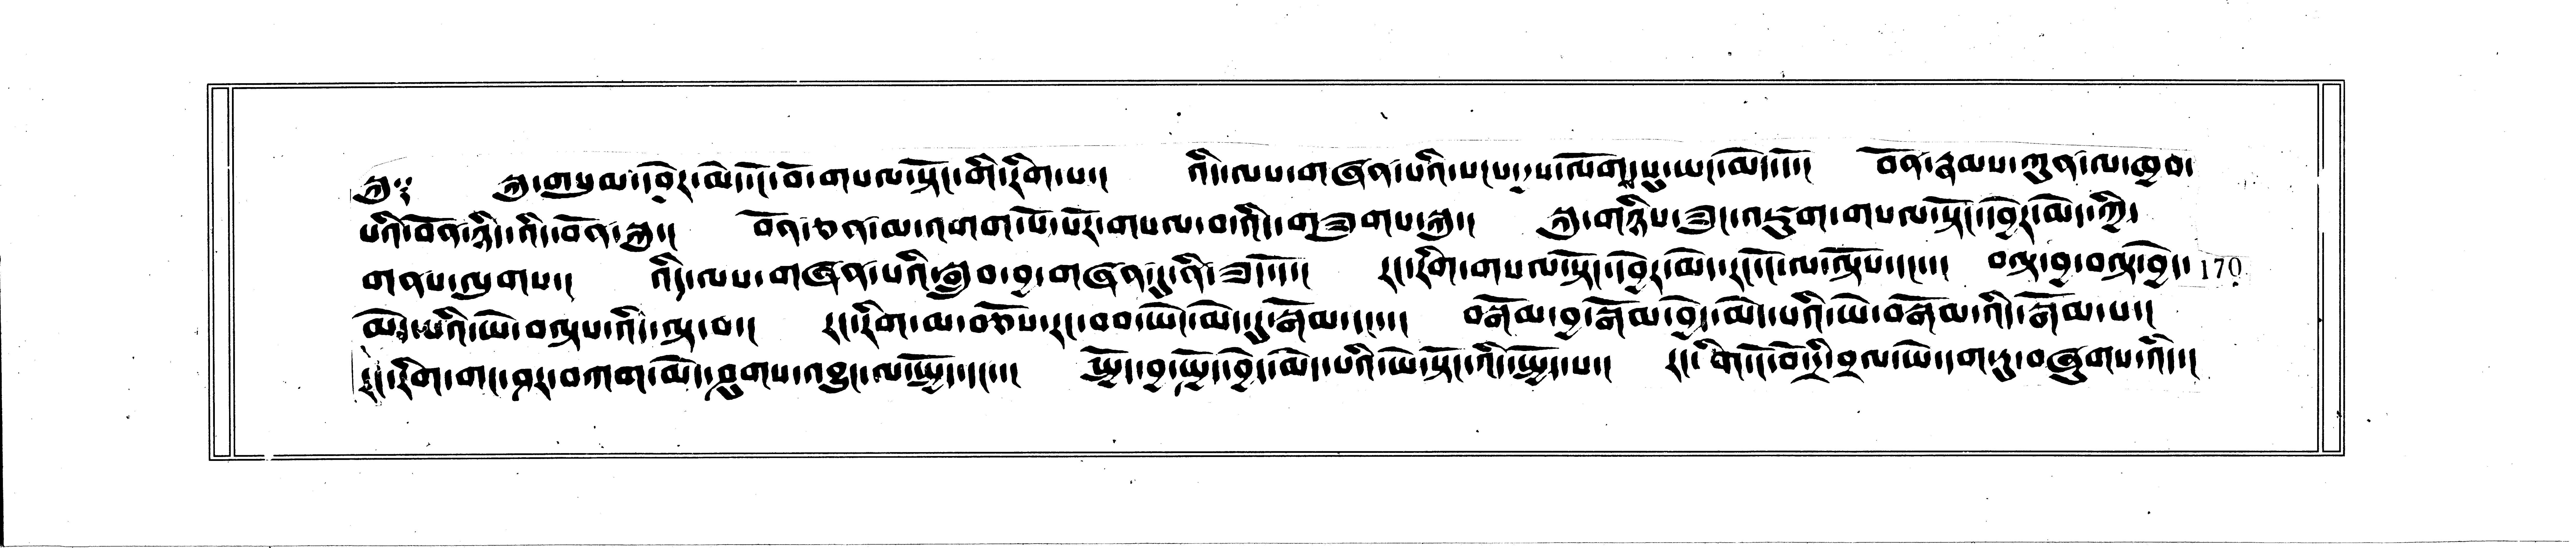སྐུ། །སྐུ་གསུམ་དབྱེར་མེད་ངོ་བོ་གསལ་སྟོང་གི་རིག་པ། །འདི་ལས་གཞན་པའི་སངས་རྒྱས་ལོགས་སུ་ཡང་མེད་དོ། །བོན་རྣམས་ཀུན་ལ་ཁྱབ་
པའི་བོན་ཉིད་འདི་བོན་སྐུ། །བོན་ཅན་མ་འགག་སོ་སོར་གསལ་བ་འདི་གཟུགས་སྐུ། །སྐུ་གཉིས་ཟུང་འཇུག་གསལ་སྟོང་དབྱེར་མེད་ཀྱི་
གནས་ལུགས། །འདི་ལས་གཞན་པའི་བསྒྲུབ་བྱ་གཞན་དུ་ནི་ཟད་དོ། །རང་རིག་གསལ་སྟོང་དབྱེར་མེད་རང་ངོ་ལ་ལྟོས་དང་། །བལྟ་བྱ་ལྟ་བྱེད་
མེད་པའི་ཡེ་བལྟས་འདི་ལྟ་བ། །རང་རིག་མ་བཅོས་རང་བབས་ཡེངས་མེད་དུ་སྒོམས་དང་། །བསྒོམ་བྱ་སྒོམ་བྱེད་མེད་པའི་ཡེ་སྒོམ་འདི་སྒོམ་པ། །
རང་རིག་གང་ཤར་བཀག་མེད་ཤུགས་འབྱུང་ལ་སྤྱོད་དང་། །སྤྱད་བྱ་སྤྱོད་བྱེད་མེད་པའི་ཡེ་སྟོང་འདི་སྤྱོད་པ། །རང་གི་ངོ་བོ་དྲི་བྲལ་ཡེ་དག་ཏུ་བཞུགས་འདི། །